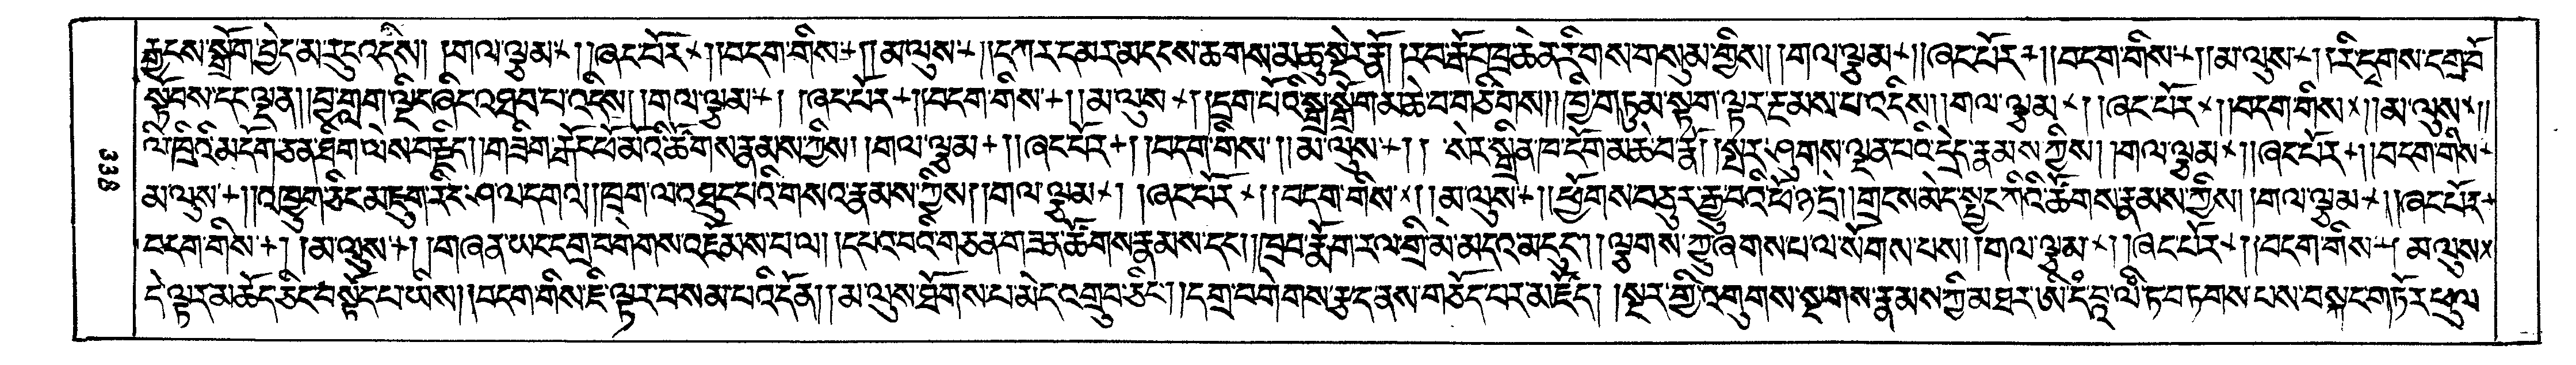རྒྱངས་སྒྲོག་བྱེད་མ་རུང་འདིས། །གལ་ལྕམ་྾། །ཞང་པོར་྾། །བདག་གིས་྾། །མ་ལུས་྾། །དཀར་དམར་མདངས་ཆགས་མཆུ་སྡེར་རྣོ། །རབ་རྒོང་ཁྲ་ཆེན་རིགས་གསུམ་གྱིས། །གལ་ལྕམ་྾། །ཞང་པོར་྾། །བདག་གིས་྾། །མ་ལུས་྾། །རི་དྭགས་དགྲ་བོ་
སྟོབས་དང་ལྡན། །བྱ་གླག་ལྡིང་ཞིང་འཐབ་པ་འདིས། །གལ་ལྕམ་྾། །ཞང་པོར་྾། །བདག་གིས་྾། །མ་ལུས་྾། །དྲག་པོའི་སྒྲ་སྒྲོག་མཆེ་བ་གཙིགས། །ཁྱི་གཏུམ་སྟག་ལྟར་རྔམས་པ་འདིས། །གལ་ལྕམ་྾། །ཞང་པོར་྾། །བདག་གིས་྾། །མ་ལུས་྾།།
ལི་ཁྲིའི་མདོག་ཅན་ཐིག་ལེས་བརྗིད། །གཟིགས་རྒོད་ཕོ་མོའི་ཚོགས་རྣམས་ཀྱིས། །གལ་ལྕམ་྾། །ཞང་པོར་྾། །བདག་གིས་྾། །མ་ལུས་྾། །སེར་སྤྲིན་ཁ་དོག་མཆེ་བ་རྣོ། །སྦར་ཤུགས་ལྡན་པའི་དྲེད་རྣམས་ཀྱིས། །གལ་ལྕམ་྾། །ཞང་པོར་྾། །བདག་གིས་྾་
མ་ལུས་྾། །འཁྱུག་ཅིང་མཇུག་རིང་ཤ་ལ་དགའ། །ཁྲག་ལ་འཐུང་བའི་གསལ་རྣམས་ཀྱིས། །གལ་ལྕམ་྾། །ཞང་པོར་྾། །བདག་གིས་྾། །མ་ལུས་྾། །ཕྱོགས་བཅུར་རྒྱུ་བའི་ཕོ་ཉ་ཆེ། །གྲངས་མེད་སྤྱང་ཀིའི་ཚོགས་རྣམས་ཀྱིས། །གལ་ལྕམ་྾། །ཞང་པོར་྾་
བདག་གིས་྾། །མ་ལུས་྾། །གཞན་ཡང་དགྲ་བགེགས་འཇོམས་པ་ལ། །དབའ་བའི་གཅན་གཟན་ཚོགས་རྣམས་དང་། །ཁྲབ་རྨོག་རལ་གྲི་མེ་མདའ་མདུང་། །ལྕགས་ཀྱུ་ཞགས་པ་ལ་སོགས་པས། །གལ་ལྕམ་྾། །ཞང་པོར་྾། །བདག་གིས་྾། །མ་ལུས་྾་
དེ་ལྟར་མཆོད་ཅིང་བསྟོད་པ་ཡིས། །བདག་གིས་ཇི་ལྟར་བསམ་པའི་དོན། །མ་ལུས་ཐོགས་པ་མེད་འགྲུབ་ཅིང་། །དགྲ་བགེགས་རྩད་ནས་གཅོད་པར་མཛོད། །སྔར་གྱི་འགུགས་སྔགས་རྣམས་ཀྱི་མཐར་ཨི་དཾ་བཱ་ལིཾ་ཏ་བཏགས་པས་བསྐང་གཏོར་ཕུལ།